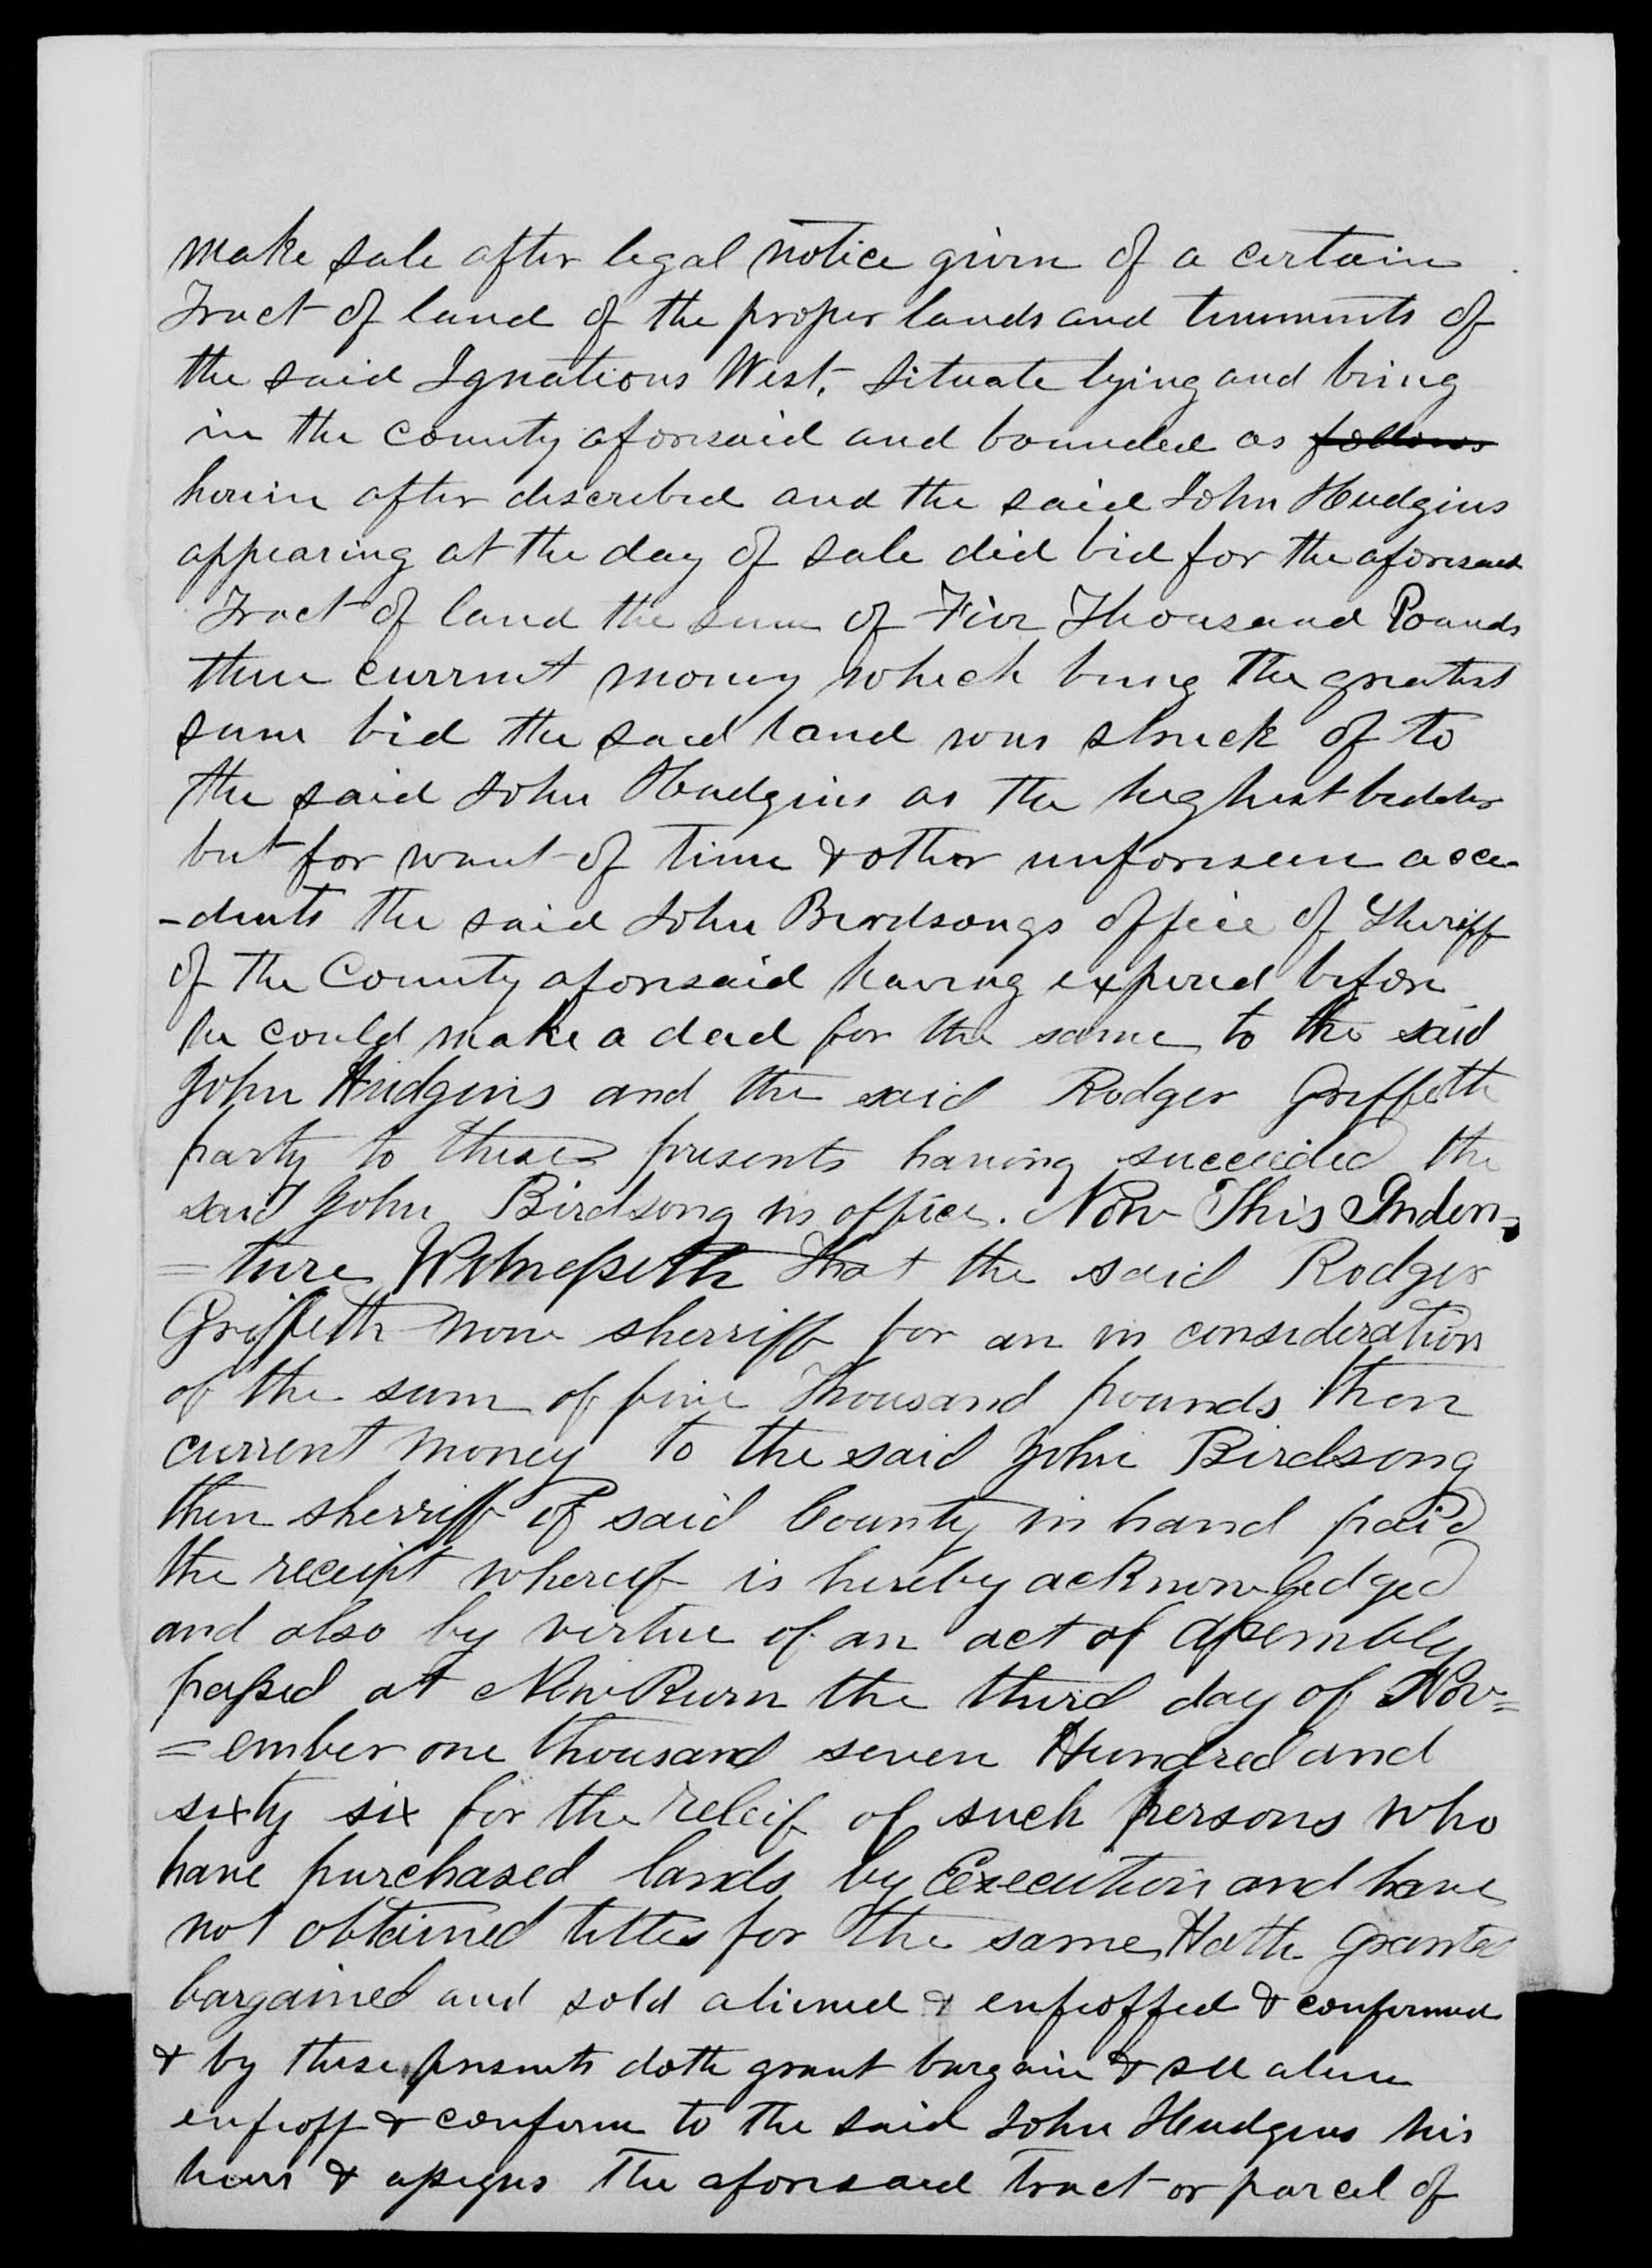make sale after legal notice given of a certain Tract of land of the proper lands and terminants of the said Ignatious West, situate lying and being in the county aforesaid and bounded as ["follows" crossed out] herein after described and the said John Hudgins appearing at the day of sale did bid for the aforesaid Tract of land the same of Five Thousand Pounds their current money which being the generated sum bid the said land was struck of to the said John Hudgins as the highest bidder but for want of time & other unforeseen accidents the said John Birdsongs office of Sheriff of the County aforesaid having expired before he could make a deed for the same to the said John Hudgins and the said Rodger Griffith party to [illegible] presents having succeeded the said John Birdsong in offices. Now this Indenture Witnesseth that the said Rodger Griffith now sherriff for an in consideration of the sum of five thousand pounds their current money to the said John Birdsong then sherriff of said County in hand paid the receipt whereof is hereby acknowledged and also by virtue of an act of assembly passed at New River the third day of November one thousand seven hundred and sixty six for the relief of such persons who have purchased lands by Execution and have not obtained titles for the same Hath granted bargained and sold aliened & enfeoffed & confirmed & by these presents doth grant bargain & sell aliene enfeoff & confirm to the saide John Hudgins his home & assigns the aforesaid tract or parcel of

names: Rodger Griffith, Ignatious West, John Birdsong, John Hudgins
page: 70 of 108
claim: rejected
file: R. 7,515, John Hudgins, N.C.